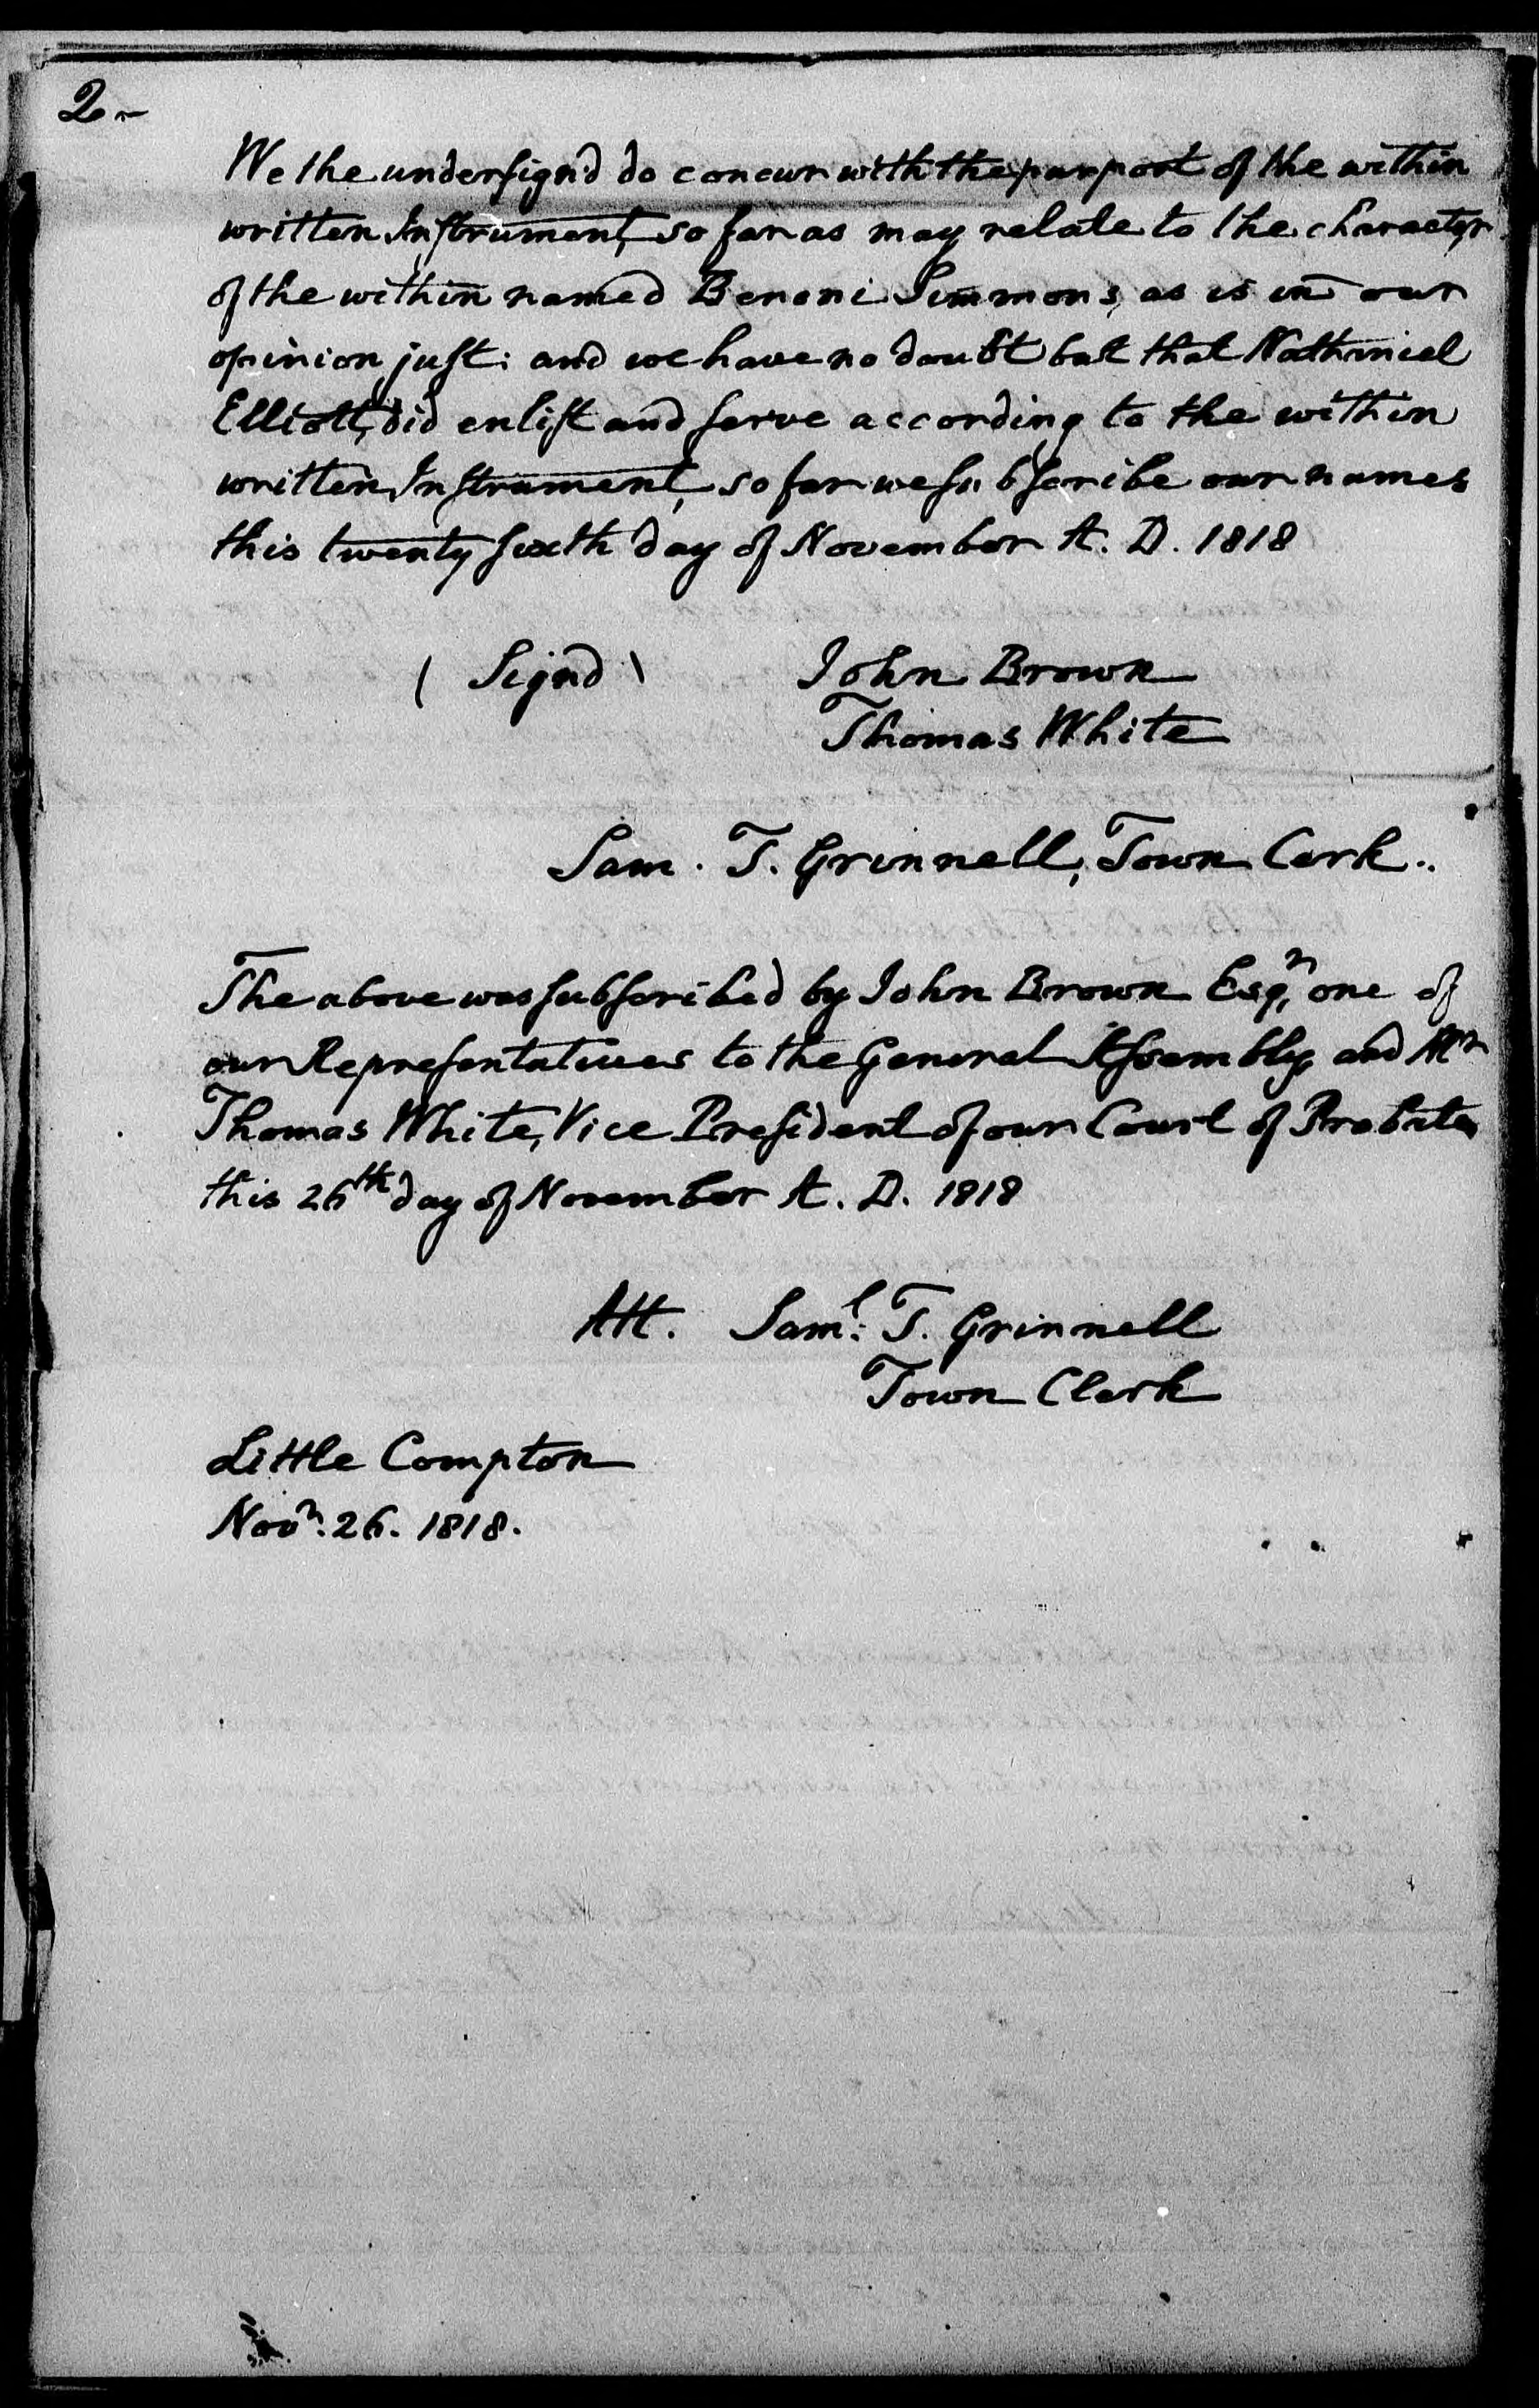2. We the undersigned to concur with the purport of the within written instrument so far as may relate to the character of the within named Benoni Simmons as is in our opinion just; and we have no doubt but that Nathaniel Elliott did enlist and serve according to the within written Instrument so far we subscribe our names this twenty sixth day of November A.D. 1818 (Signed) John Brown Thomas White Sam. T. Grinnell, Town Clerk

The above was subscribed by John Brown Esqr one of our Representatives to the General Assembly and Mr. Thomas White, Vice President of our Court of Probate this 26th day of November A.D. 1818 Att. Saml. T. Grinnell Town Clerk
Little Compton Novr. 26. 1818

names: Benoni Simmons, Saml T Grinnell, Thomas White, Nathaniel Elliott, John Brown, John Brown, Thomas White, Sam T Grinnell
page: 26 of 29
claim: survivor's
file: S. 38679, Nathaniel Elliot, Continental R.I.